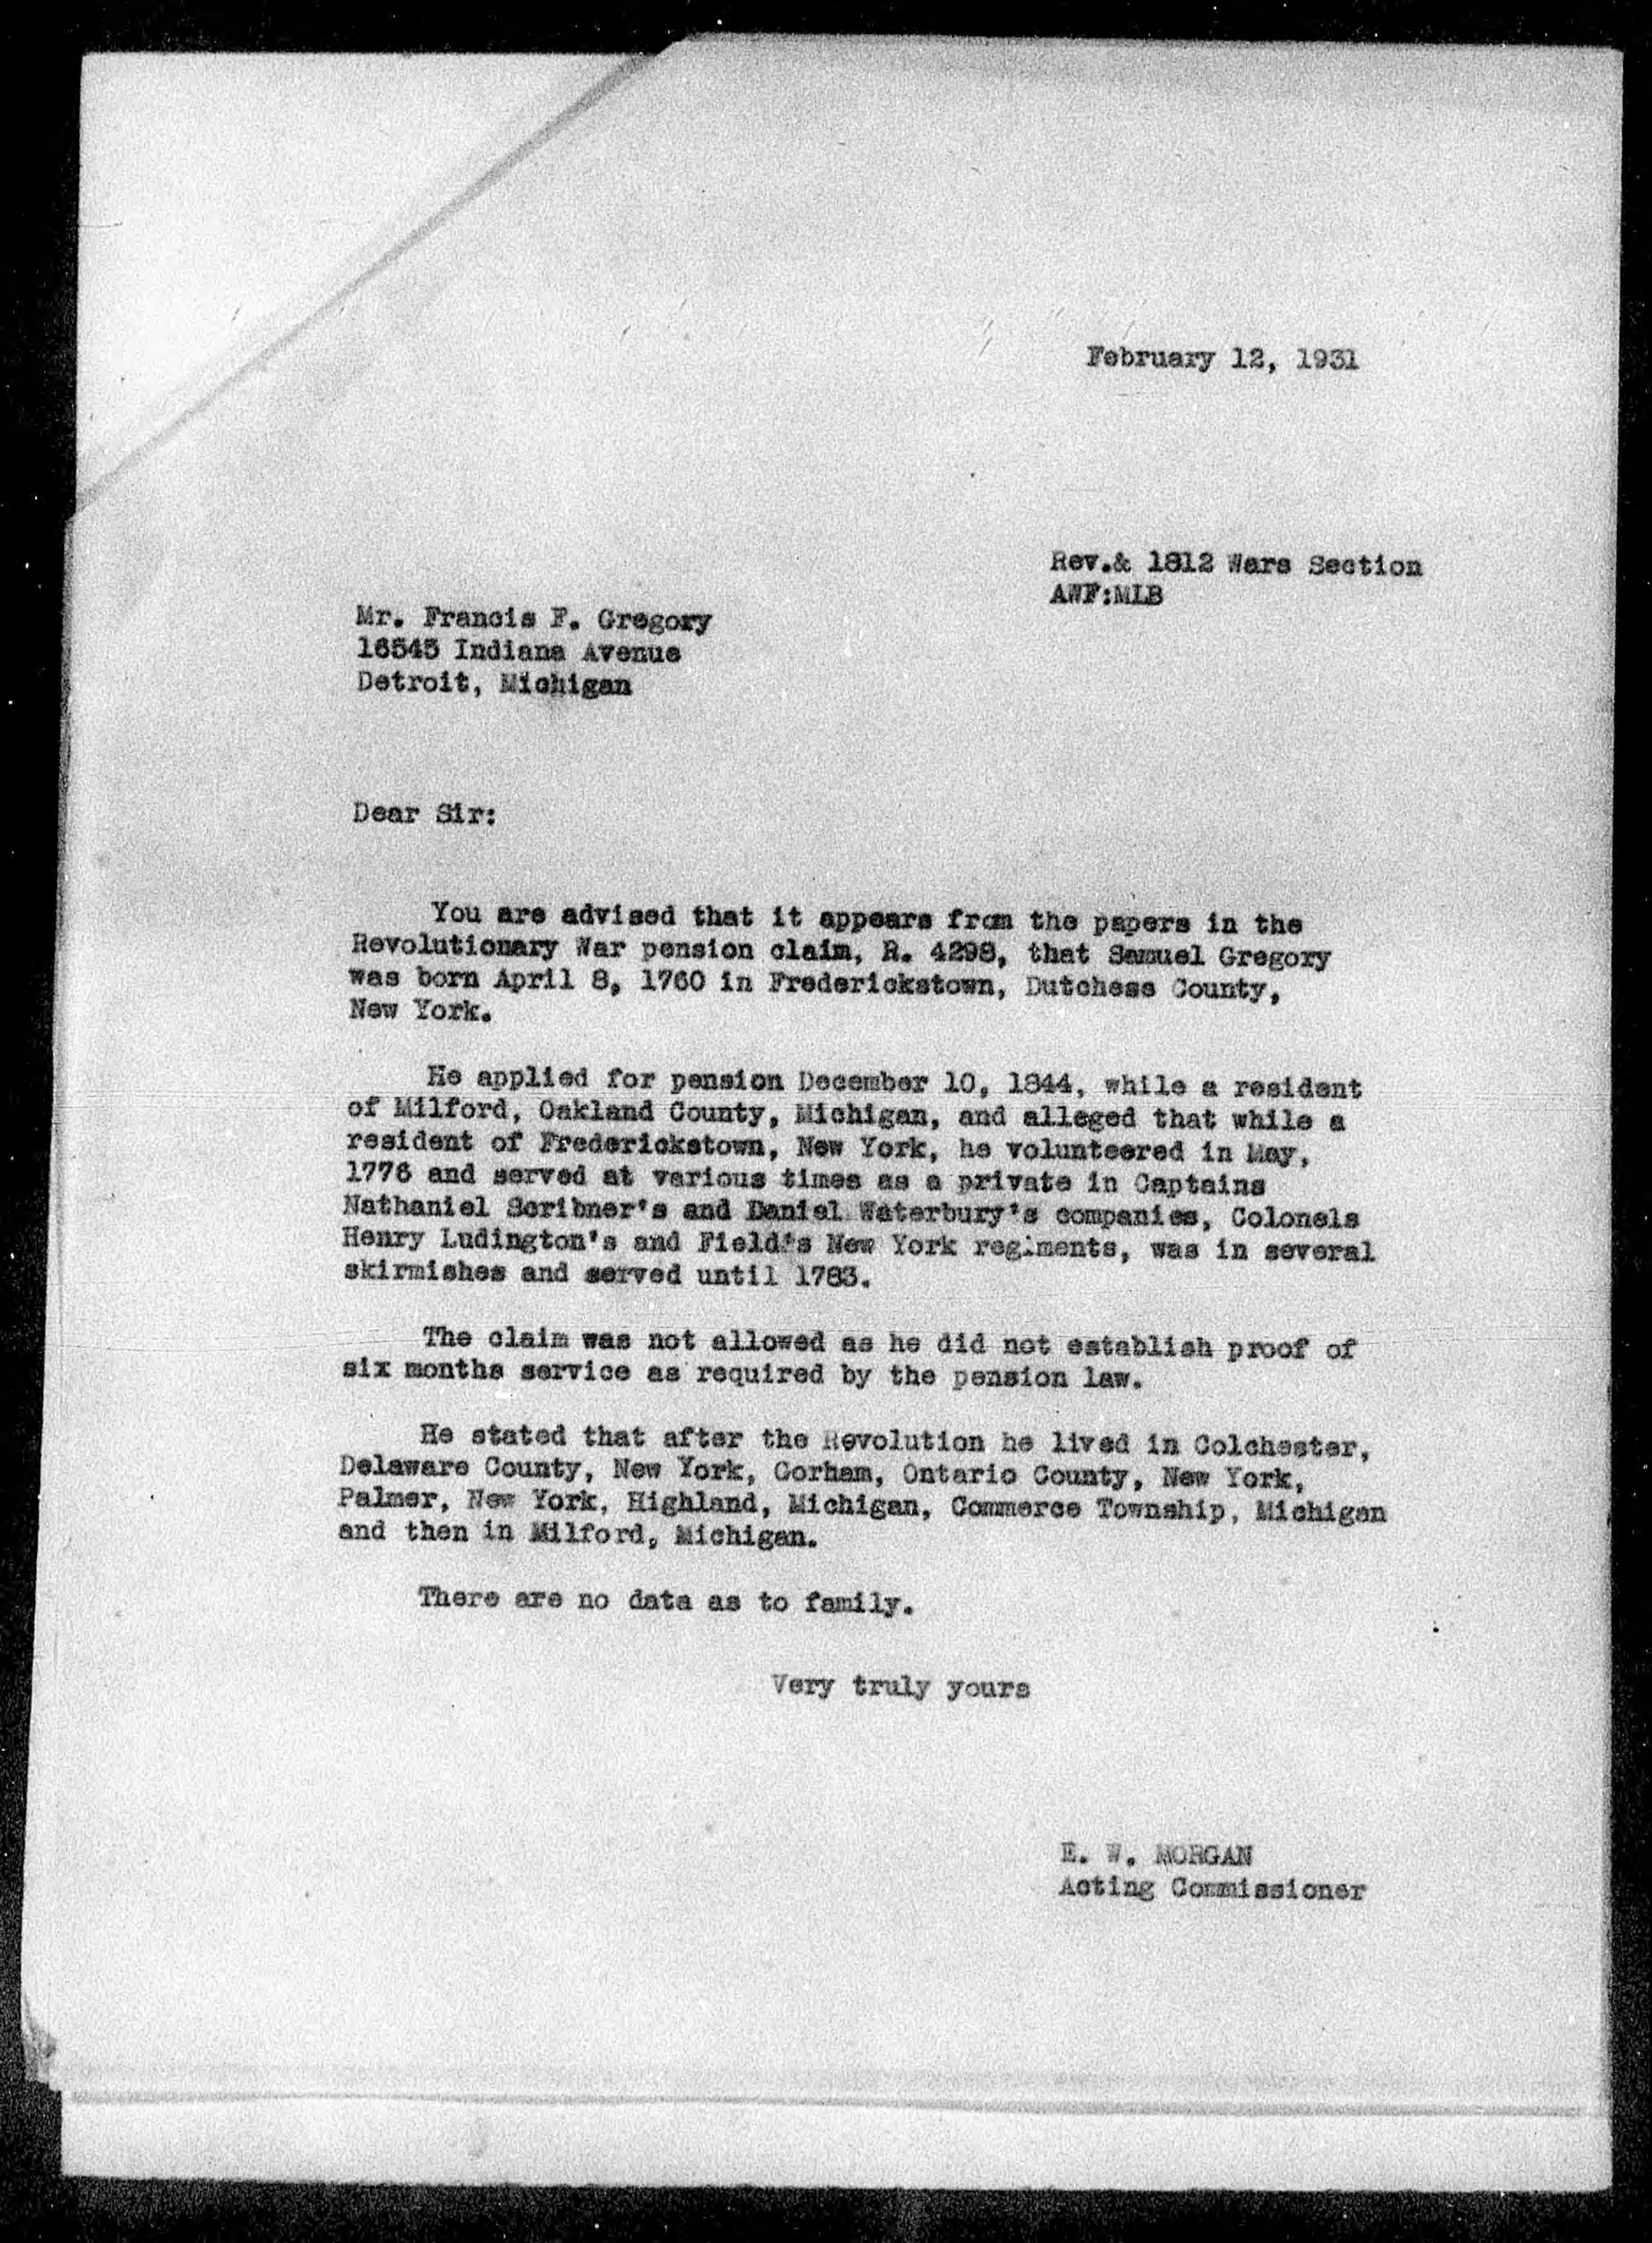February 12, 1931

Rev. & 1812 Wars Section
AWF:MLB

Mr. Francis F. Gregory
16545 Indiana Avenue
Detroit, Michigan

Dear Sir:

You are advised that it appears from the papers in the Revolutionary War pension claim, R. 4298, that Samuel Gregory was born April 8, 1760 in Frederickstown, Dutchess County, New York.

He applied for pension December 10, 1844, while a resident of Milford, Oakland County, Michigan, and alleged that while a resident of Frederickstown, New York, he volunteered in May, 1776 and served at various times as a private in Captains Nathanial Scribner's and Daniel Waterbury's companies, Colonels Henry Ludington's and Field's New York Regiments, was in several skirmishes and served until 1783.

The claim was not allowed as he did not establish proof of six months service as required by the pension law.

He stated that after the Revolution he lived in Colchester, Deaware County, New York, Gorham, Ontario County, New York, Palmer, New York, Highland, Michigan, Commerce Township, Michigan and then in Milford, Michigan.

There are no data as to his family.

Very truly yours

E.W. Morgan
Acting Commi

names: Samuel Gregory, E W Morgan, Francis F Gregory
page: 27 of 66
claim: rejected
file: R. 4298, Samuel Gregory, New York